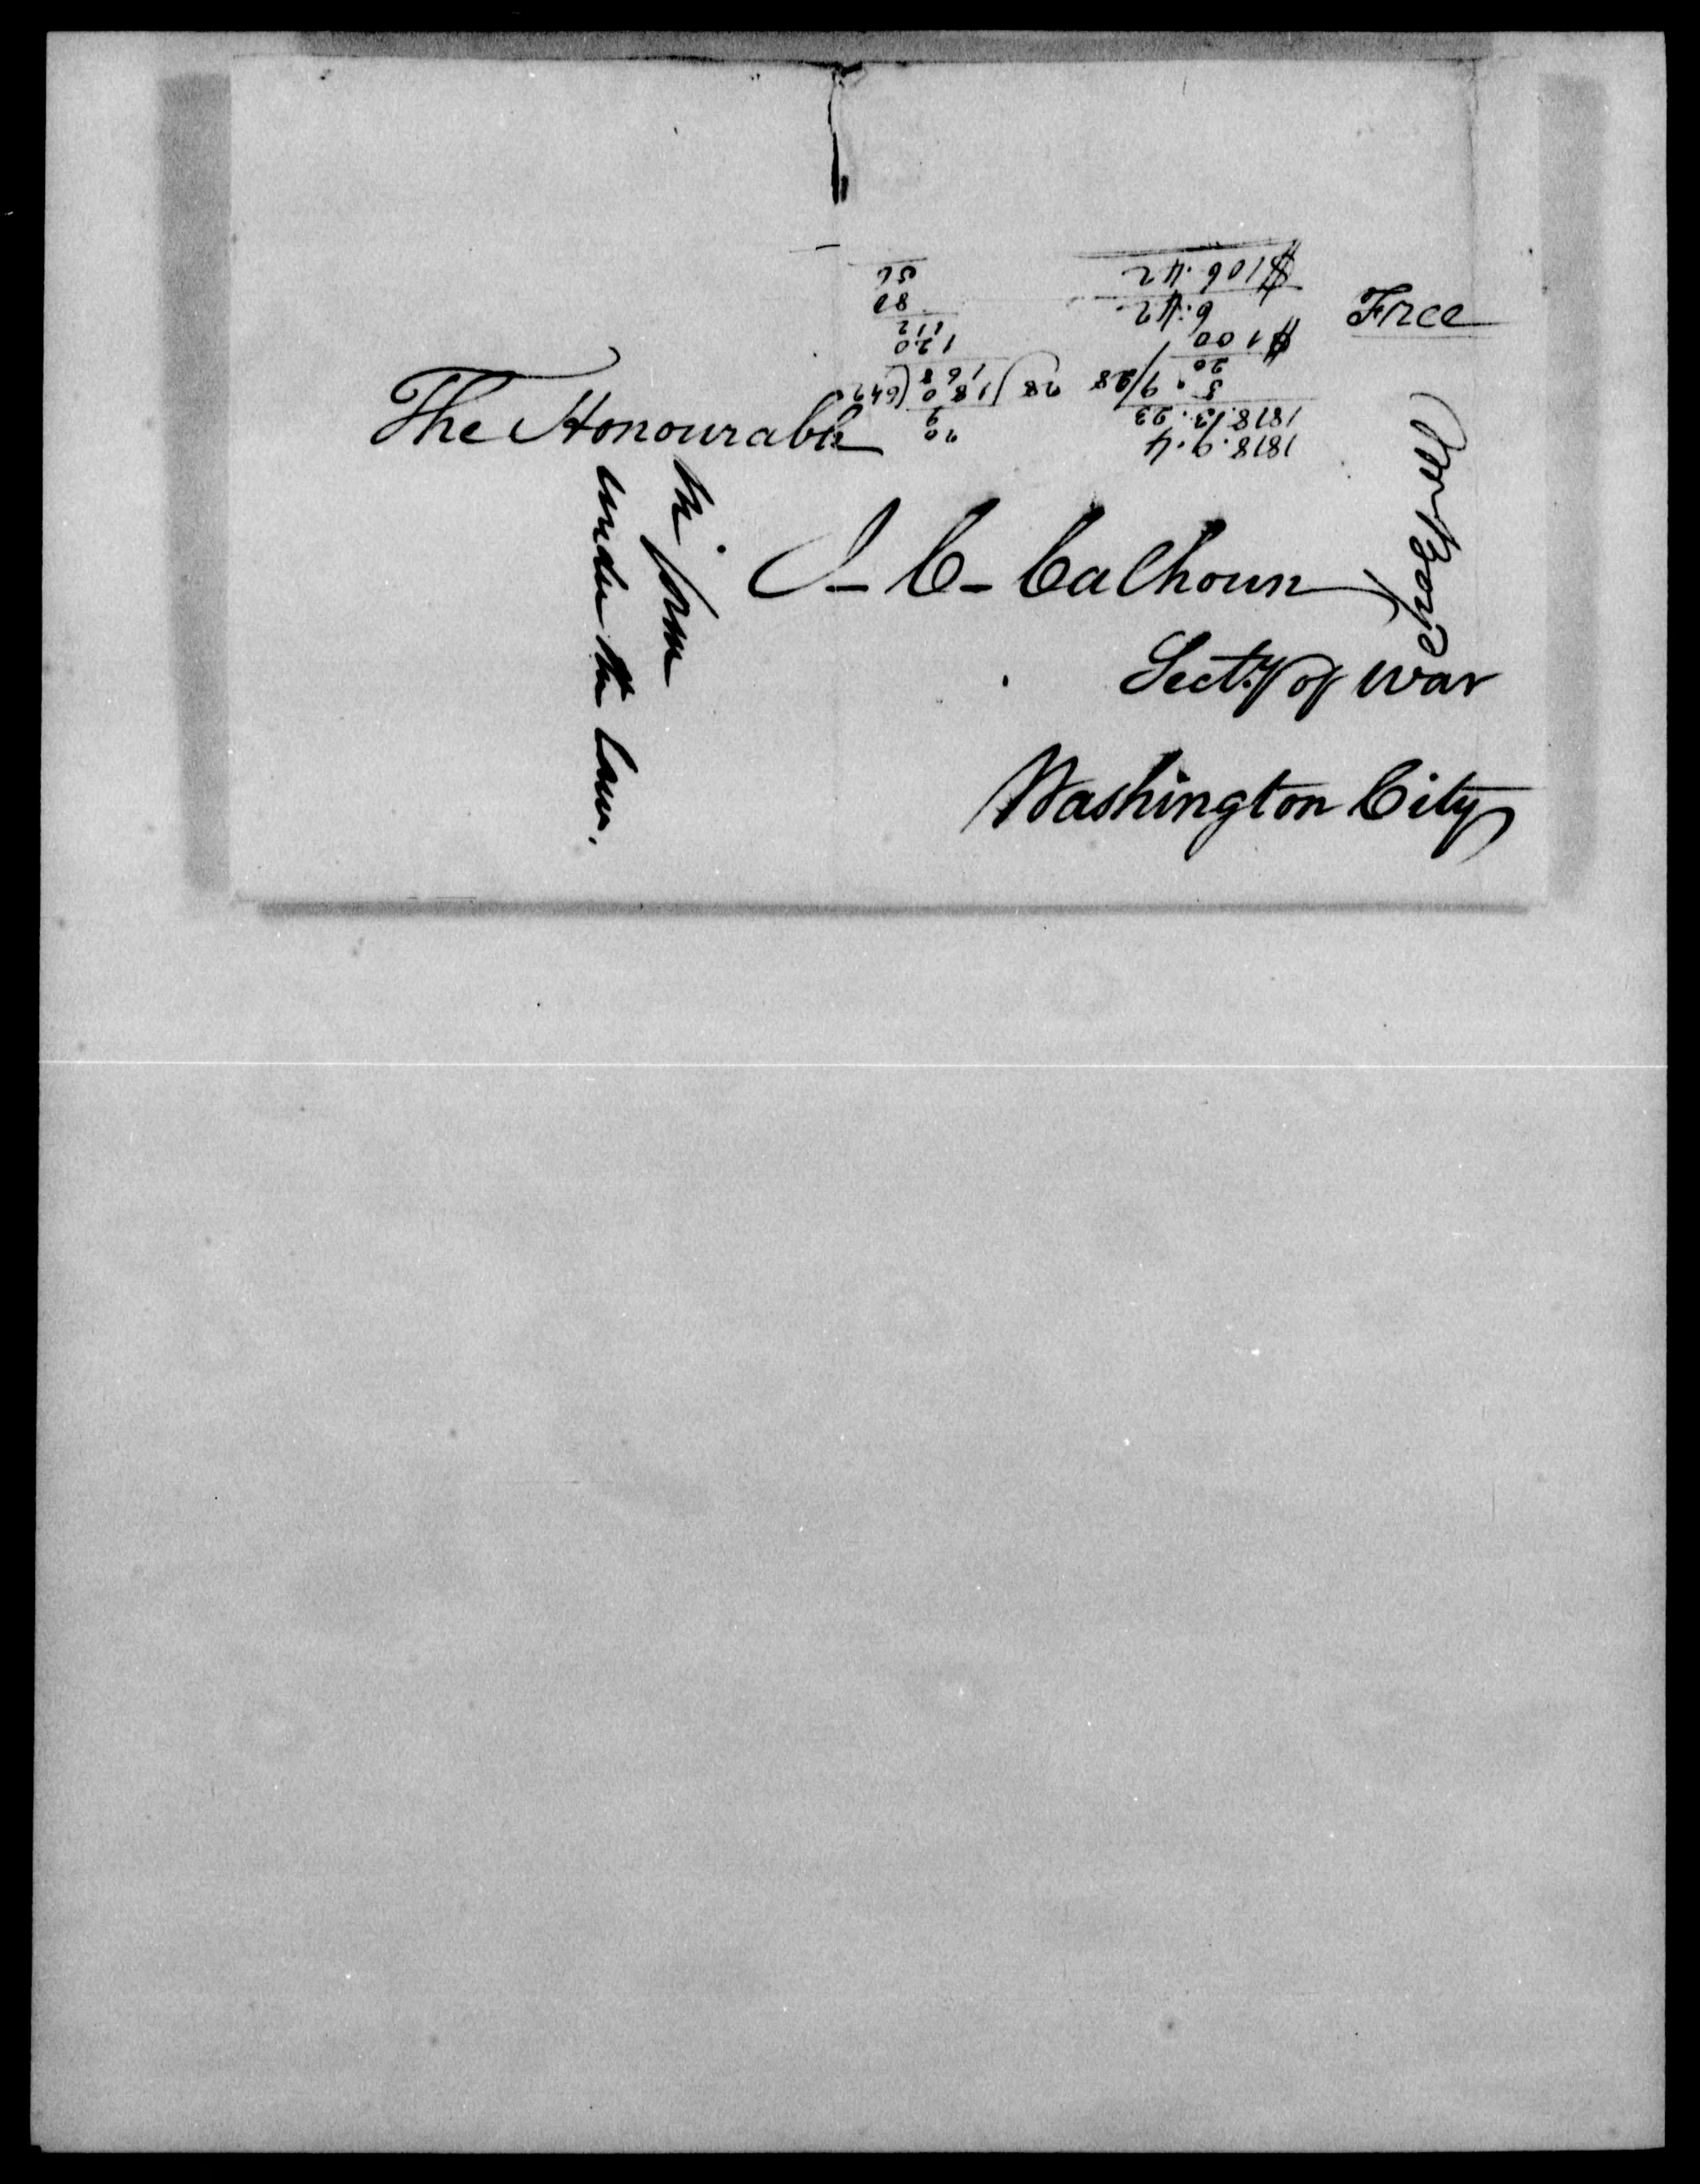Free
The Honourable
J. C. Calhoun
Sect'y of War
Washington City

[written downward on sides:]
Mr Boyd
in form under the Law.

[calculations, inverted:]
[Mar 23, 1818 to Sept 4, 1818 = 5 mos. 28 days]
[$20 per month times 5 mos., 28 days = $106.42]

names: J C Calhoun; [BLANK] Boyd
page: 20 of 21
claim: survivor's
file: S. 33,554, for David Rhea, New Jersey